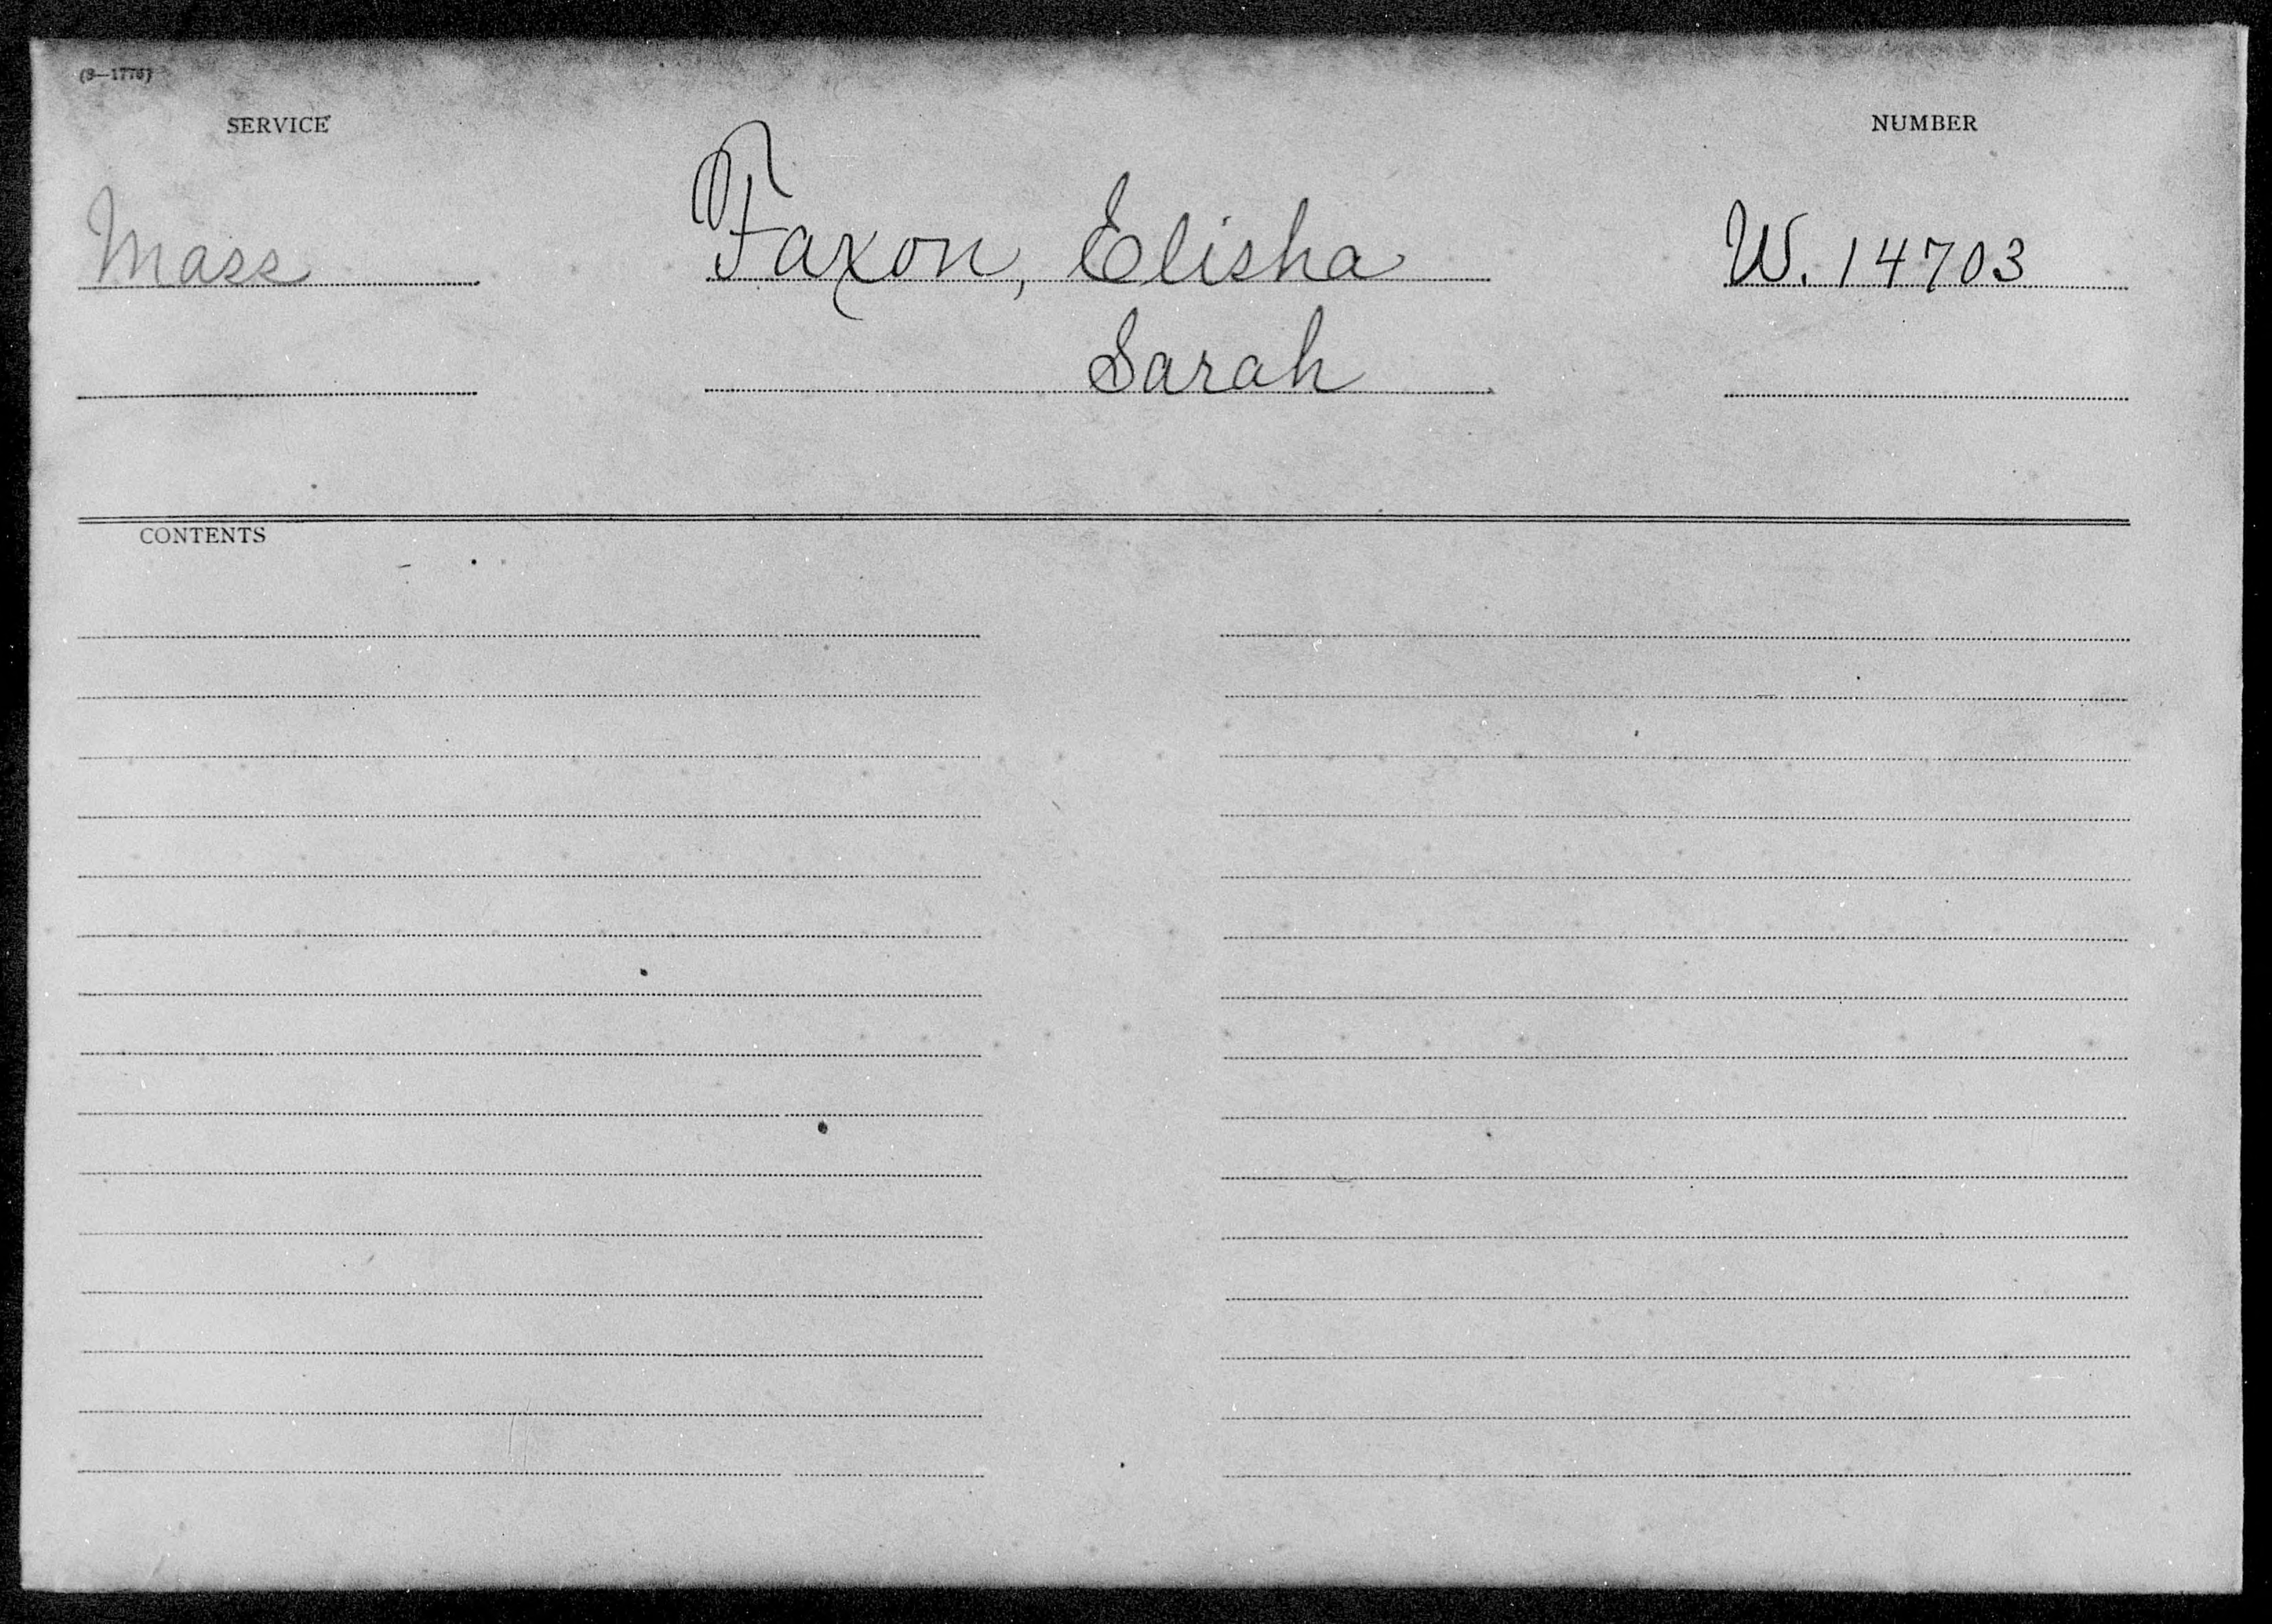Massachusetts
Faxon, Elisha
Sara
W. 14703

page: 1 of 47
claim: widow's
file: W. 14703, Elisha Faxon, Mass